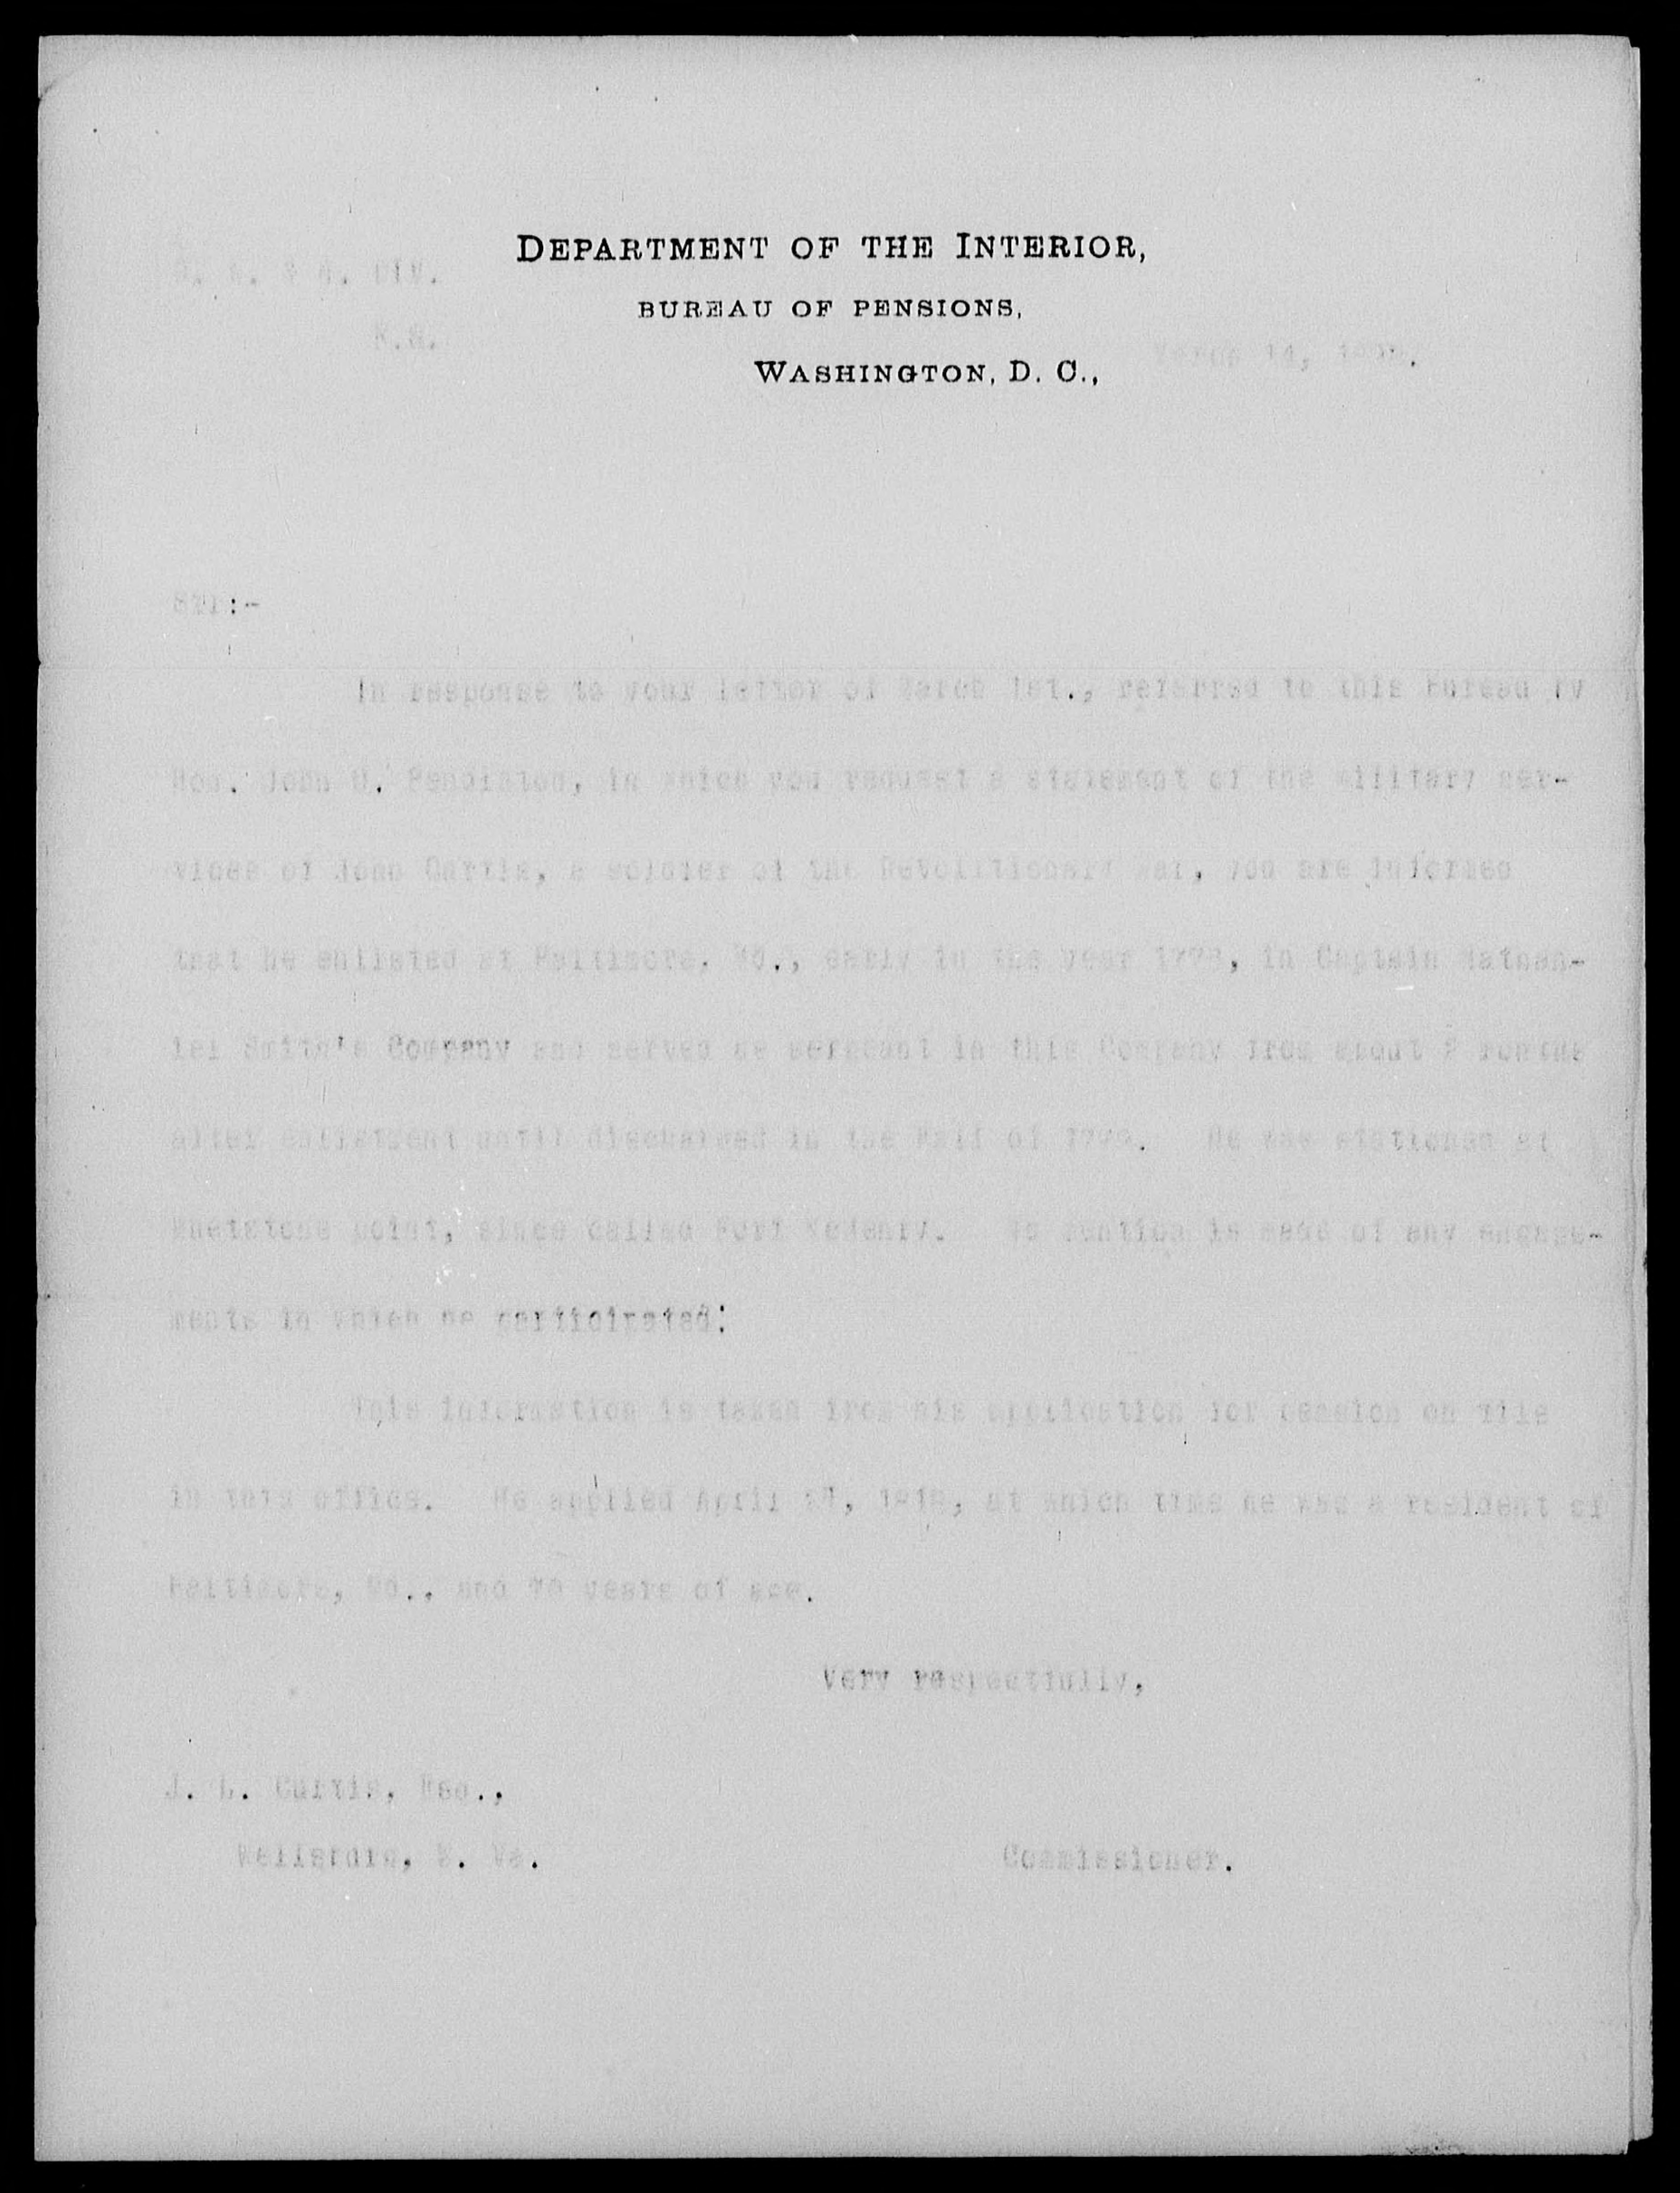[disclaimer: typed text is very light and best effort made with simple image manipulation]

DEPARTMENT OF THE INTERIOR,
BUREAU OF PENSIONS,
WASHINGTON, D. C.,

[illegible] DIV.   K.S.    [illegible] 

Sir:-
In response to your letter of March 1st.,  [illegible] to this Bureau by
Hon. John S. Pendelton, in which you request a statement of the military services of John Curtis, a soldier of the Revolutionary War, you are informed that he enlisted at Baltimore, MD., early in the year 177[?], in Captain Nathaniel Smith's Company and served as sergeant in this company [illegible words] for [illegible words]  until discharged in the Fall of 17[??].  He was stationed at Whetstone  Point, since called Fort McHenry.  [illegible] mention is made of any engagements in which he participated:
This information is taken from his application for Pension on file in this office.  He applied April 21, 1818, at which time he was a resident of Baltimore, Md., and 70 years of age.
Very respectfully,
Commissioner

J. L. Curtis, Es1.,
Wellstate, W. Va.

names: E H Curtis, John Curtis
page: 23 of 26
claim: survivor's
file: S. 34,725, John Curtis, Md.